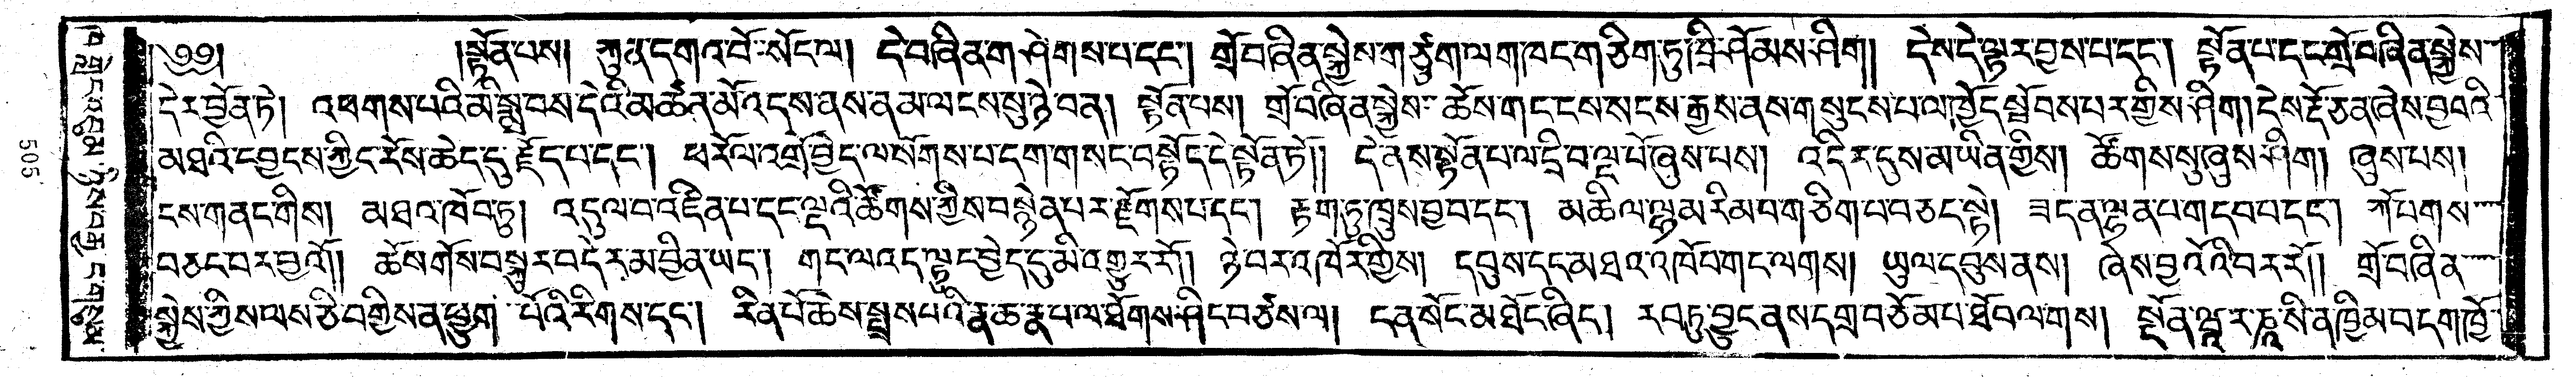༄༅། །སྟོན་པས། ཀུན་དགའ་བོ་སོང་ལ། དེ་བཞིན་གཤེགས་པ་དང་། གྲོ་བཞིན་སྐྱེས་གཙུག་ལག་ཁང་གཅིག་ཏུ་ཁྲི་ཤོམས་ཤིག། དེས་དེ་ལྟར་བྱས་པ་དང་། སྟོན་པ་དང་གྲོ་བཞིན་སྐྱེས་
དེར་བྱོན་ཏེ། འཕགས་པའི་མི་སྨྲ་བས་དེའི་མཚན་མོ་འདས་ནས་ནམ་ལངས་སུ་ཉེ་བ་ན། སྟོན་པས། གྲོ་བཞིན་སྐྱེས་ཆོས་གང་ངས་སངས་རྒྱས་ནས་གསུངས་པ་ལ་ཁྱོད་སྦོབས་པར་གྱིས་ཤིག། དེས་རྡོ་ཅན་ཞེས་བྱ་བའི་
མཐའི་དབྱངས་ཀྱིང་རོས་ཆེད་དུ་རྗོད་པ་དང་། ཕ་རོལ་འགྲོ་བྱེད་ལ་སོགས་པ་དག་གསང་བསྟོད་དེ་སྟོན་ཏོ།། དེ་ནས་སྟོན་པ་ལ་དྲི་བ་ལྔ་པོ་ཞུས་པས། འདིར་དུས་མ་ཡིན་གྱིས། ཚོགས་སུ་ཞུས་ཤིག། ཞུས་པས།
ངས་གནང་གིས། མཐའ་ཁོབ་ཏུ། འདུལ་བ་འཛིན་པ་དང་ལྔའི་ཚོགས་ཀྱིས་བསྙེན་པར་རྫོགས་པ་དང་། རྟག་ཏུ་ཁྲུས་བྱ་བ་དང་། མཆིལ་ལྷམ་རིམ་བ་གཅིག་པ་བཅང་སྟེ། ཟད་ན་ལྷན་པ་གདབ་བ་དང་། ཀོ་པགས་
བཅང་བར་བྱའོ།། ཆོས་གོས་བསྐུར་བདེར་མ་བྱིན་ཡང་། གང་ལའང་ལྟུང་བྱེད་དུ་མི་འགྱུར་རོ།། ཉེ་བར་འཁོར་གྱིས། དབུས་དང་མཐའ་འཁོབ་གང་ལགས། ཡུལ་དབུས་ནས། ཞེས་བྱའོའི་བར་རོ།། གྲོ་བཞིན་
སྐྱེས་ཀྱིས་ལས་ཅི་བགྱིས་ན་ཕྱུག་པོའི་རིགས་དང་། རིན་པོ་ཆེས་སྤྲས་པའི་རྣ་ཆ་རྣ་པ་ལ་ཐོགས་ཤིང་བཙས་ལ། ངན་སོང་མཐོང་ཞིང་། རབ་ཏུ་བྱུང་ནས་དགྲ་བཅོམ་པ་ཐོབ་ལགས། སྔོན་ཝཱ་ར་ཎཱ་སི་ན་ཁྱིམ་བདག་ཁྱོ་